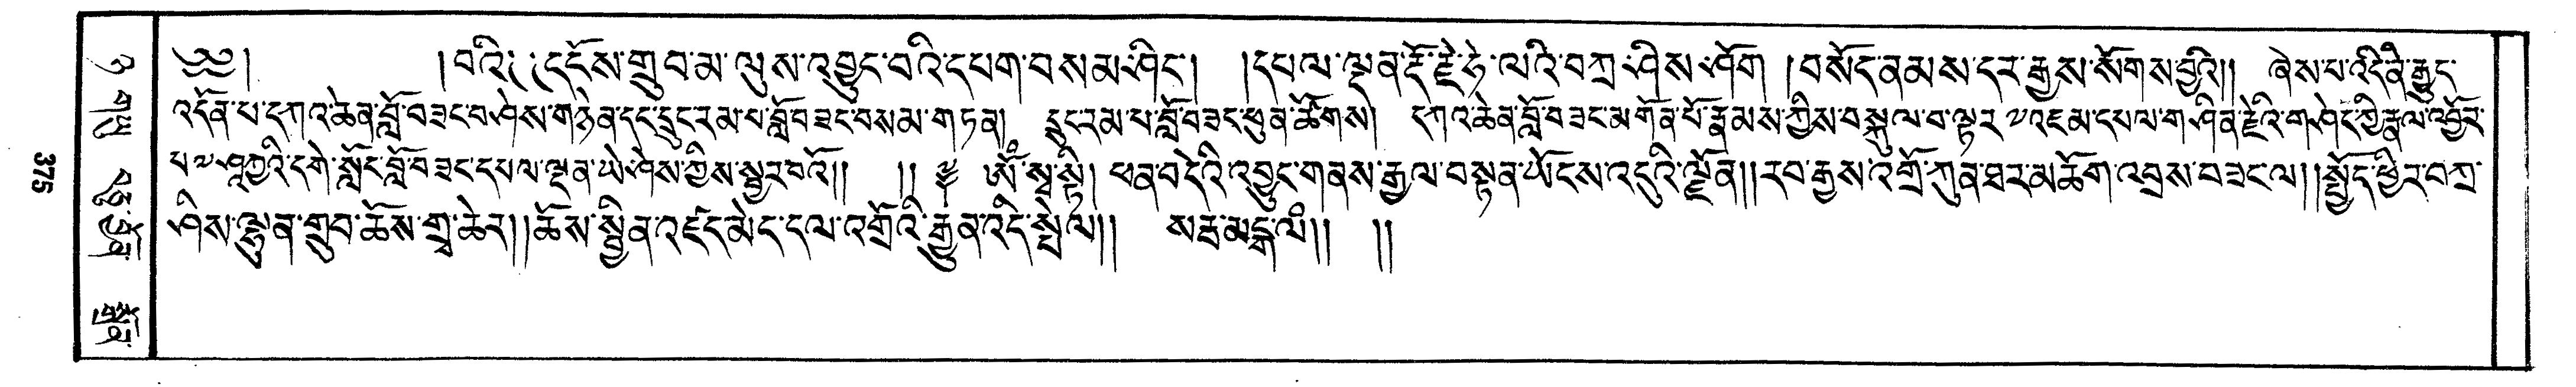༄༅། །བའི༑ ༑དངོས་གྲུབ་མ་ལུས་འབྱུང་བའི་དཔག་བསམ་ཤིང་། །དཔལ་ལྡན་རྡོ་རྗེ་ཧེ་ལའི་བཀྲ་ཤིས་ཤོག །བསོད་ནམས་དར་རྒྱས་སོགས་བྱའོ།། ཞེས་བ་འདི་ནི་རྒྱུད་
འདོན་པ་དཀའ་ཆེན་བློ་བཟང་བཤེས་གཉེན་དང་དྲུང་རམ་བ་བློ་བཟང་བསམ་གཏན། དྲུང་རམ་པ་བློ་བཟང་ཕུན་ཚོགས། དཀའ་ཆེན་བློ་བཟང་མགོན་པོ་རྣམས་ཀྱིས་བསྐུལ་བ་ལྟར ༧་འཇམ་དཔལ་གཤིན་རྗེའི་གཤེད་ཀྱི་རྣལ་འབྱོར་
པ ༧་ཤྰྐྱའི་དགེ་སློང་བློ་བཟང་དཔལ་ལྡན་ཡེ་ཤེས་ཀྱིས་སྦྱར་བའོ།། །།༈ ཨོཾ་སྭ་སྟི། ཕན་བདེའི་འབྱུང་གནས་རྒྱལ་བསྟན་ཡོངས་འདུའི་ལྗོན། །རབ་རྒྱས་འགྲོ་ཀུན་ཐར་མཆོག་འབྲས་བཟང་ལ། །སྤྱོད་ཕྱིར་བཀྲ་
ཤིས་ལྷུན་གྲུབ་ཆོས་གྲྭ་ཆེར། །ཆོས་སྦྱིན་འཛད་མེད་དལ་འགྲོའི་རྒྱུན་འདི་སྤེལ།། སརྦ་མངྒ་ལཾ།། །།